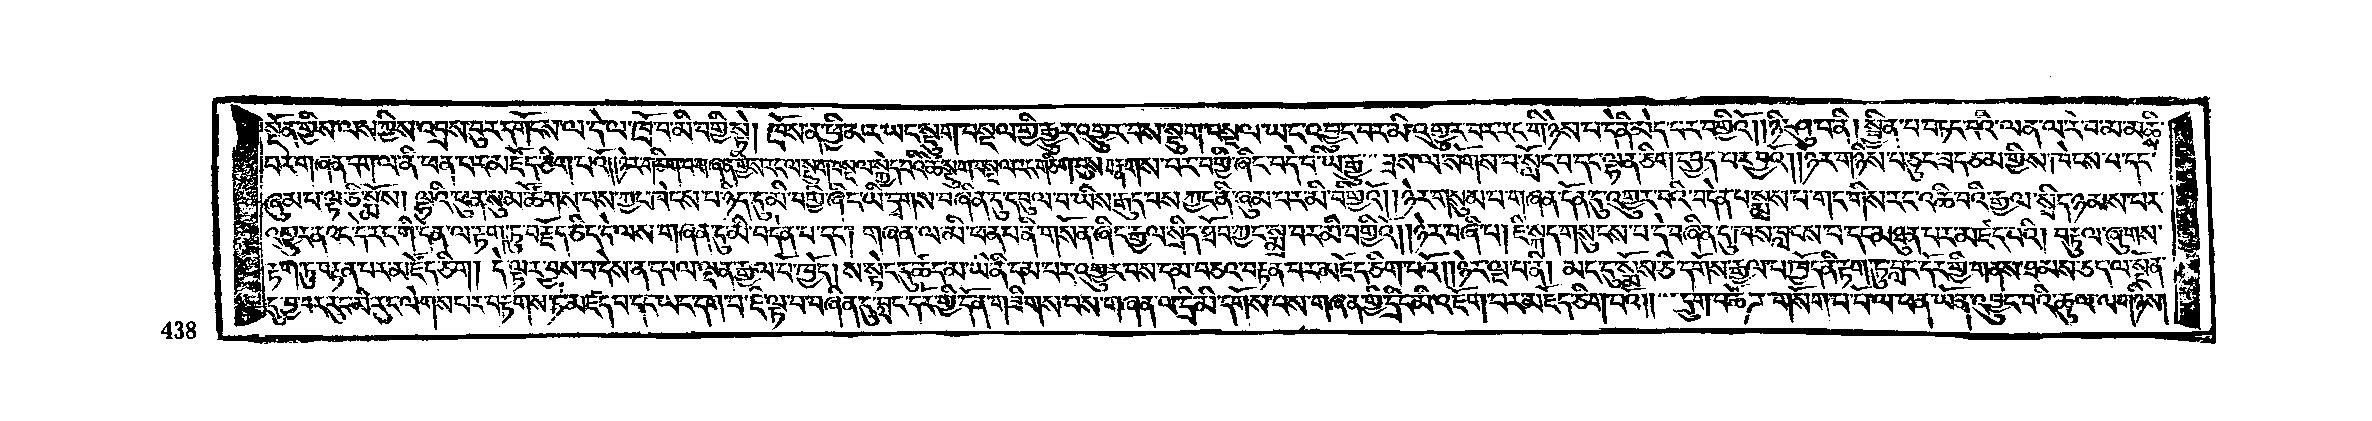སྔོན་གྱིས་ལས་ཀྱིས་འབྲས་བུར་དགོངས་ལ་དེ་ལ་ཁྲོ་བ་མི་བགྱི་སྟེ། ཁྲོས་ན་ཕྱི་མར་ཡང་སྡུག་བསྔལ་གྱི་རྒྱུར་འགྱུར་བས་སྡུག་བསྔལ་ཡང་འབྱུང་བར་མི་འགྱུར་བར་རང་གི་ཉེས་པ་དེ་ནི་མེད་པར་བགྱིའོ། །ཉི་ཤུ་པ་ནི། སྦྱིན་པ་བཏང་བའི་ལན་ལ་རེ་བ་མ་མཆིས་
པར་གཞན་དག་ལ་ནི་ཕན་པར་མཛོད་ཅིག་པའོ། །ཉེར་གཅིག་པ་གཞན་གྱིས་རང་ལ་སྡུག་བསྔལ་སྐྱེད་པའི་ཚེ་སྡུག་བསྔལ་རང་གཅིག་བུས་བརྣགས་པ་བགྱི་ཞིང་བདེ་བ་ཡི་རྒྱུ་ཟས་ལ་སོགས་པ་སློང་བ་དང་ལྷན་ཅིག་དཔྱད་པར་བྱའོ། །ཉེར་གཉིས་པ་ཅུང་ཟད་ཙམ་གྱིས་ཁེངས་པ་དང་
ཞུམ་པ་ལྟ་ཅི་སྨོས། ལྷའི་ཕུན་སུམ་ཚོགས་པས་ཀྱང་ཁེངས་པ་ཉིད་དུ་མི་བགྱི་ཞིང་ཡི་དྭགས་བཞིན་དུ་དབུལ་བ་ཡིས་རྒུད་པས་ཀྱང་ནི་ཞུམ་པར་མི་བགྱིའོ། །ཉེར་གསུམ་པ་གཞན་དོན་དུ་འགྱུར་བའི་བདེན་པ་སྨྲས་པ་གང་གིས་རང་འཆི་བའི་རྒྱལ་སྲིད་ཉམས་པར་
འགྱུར་ནའང་དེ་རང་གི་དོན་ལ་རྟག་ཏུ་བརྗོད་ཅིང་དེ་ལས་གཞན་དུ་མི་བདེན་པ་དང་། གཞན་ལ་མི་ཕན་པ་ནི་གསོན་ཞིང་རྒྱལ་སྲིད་ཐོབ་ཀྱང་སྨྲ་བར་མི་བགྱིའོ། །ཉེར་བཞི་པ། ཇི་སྐད་གསུངས་པ་དེ་བཞིན་དུ་ཁས་བླངས་པ་དང་མཐུན་པར་མཛད་པའི། བརྟུལ་ཞུགས་
རྟག་ཏུ་བརྟན་པར་མཛོད་ཅིག །དེ་ལྟར་བྱས་པ་དེས་ན་དཔལ་ལྡན་རྒྱལ་པོ་ཁྱོད། ས་སྟེང་དུ་ཚད་མ་ཡི་ནི་དམ་པར་འགྱུར་བས་དམ་བཅའ་བརྟན་པར་མཛོད་ཅིག་པའོ། །ཉེར་ལྔ་པ་ནི། མང་དུ་སྨོས་ཅི་དགོས་རྒྱལ་པ་ཁྱོད་ནི་རྟག་ཏུ་བླང་དོར་གྱི་གནས་ཐམས་ཅད་ལ་སྶྔོན་
དུ་བྱ་བར་རུང་མི་རུང་ལེགས་པར་བརྟགས་ཏེ་མཛོད་པ་དང་ཡང་དག་པ་ཇི་ལྟ་བ་བཞིན་དུ་བླང་དོར་གྱི་དོན་གཟིགས་པས་གཞན་ལ་དྲི་མ་དགོས་པས་གཞན་གྱི་དྲིང་མི་འཇོག་པར་མཛོད་ཅིག་པའོ། །དྲུག་པ་ཚོགས་གསོག་པ་པོ་ལ་ཕན་ཡོན་འབྱུང་བའི་ཆུལ་ལ་གཉིས་